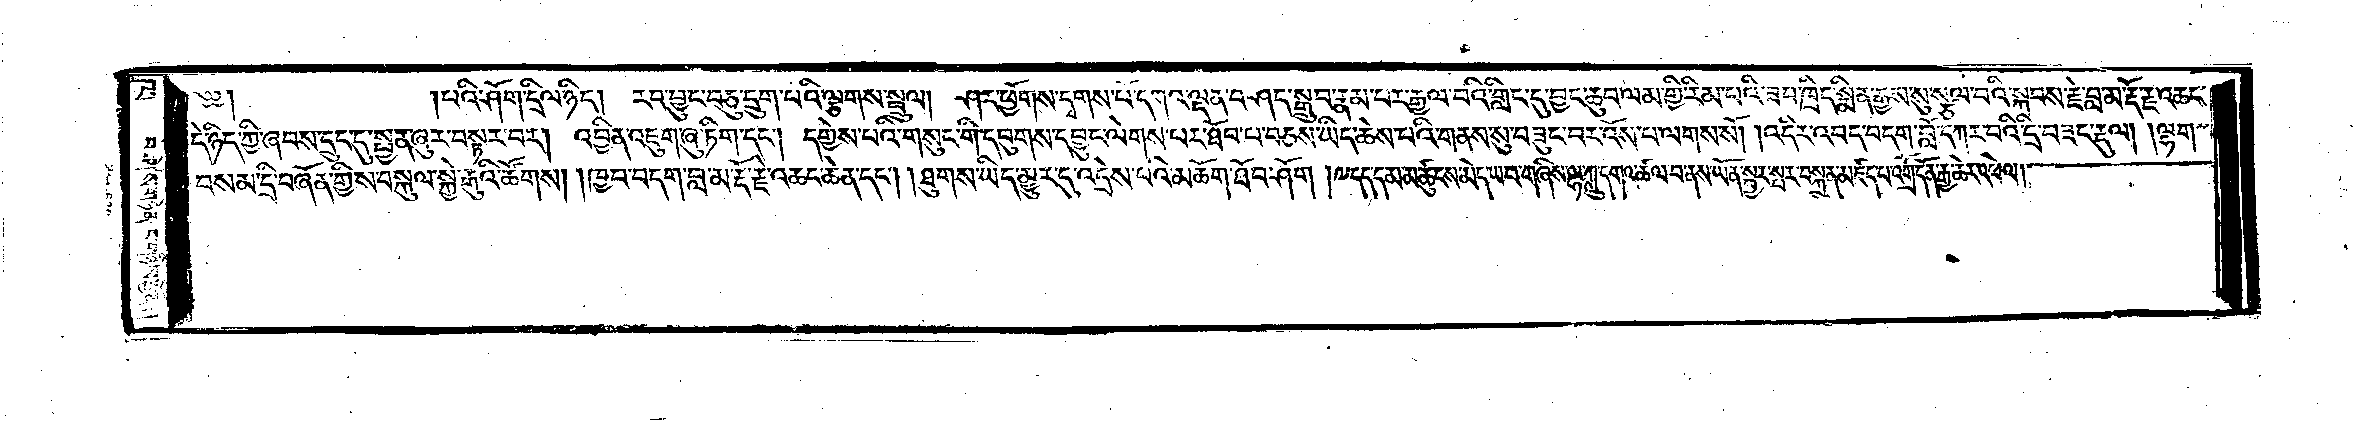༄༅། །པའི་ཤོག་དྲིལ་ཉིད། རབ་བྱུང་བཅུ་དྲུག་པའི་ལྕགས་སྤྲུལ། ཤར་ཕྱོགས་དྭགས་པོ་དགའ་ལྡན་བཤད་སྒྲུབ་རྣམ་པར་རྒྱལ་བའི་གླིང་དུ་བྱང་ཆུབ་ལམ་གྱི་རིམ་པའི་ཟབ་ཁྲིད་སྨིན་རྒྱས་སུ་སྩལ་བའི་སྐབས་རྗེ་བླ་མ་རྡོ་རྗེ་འཆང་
དེ་ཉིད་ཀྱི་ཞབས་དྲུང་དུ་སྤྱན་ཞུར་བསྟར་བར། འབྱིན་འཇུག་ཞུ་ཏིག་དང་། དགྱེས་པའི་གསུང་གི་དབུགས་དབྱུང་ལེགས་པར་ཐོབ་པ་བཅས་ཡིད་ཆེས་པའི་གནས་སུ་བཟུང་བར་འོས་པ་ལགས་སོ། །འདིར་འབད་བདག་བློ་དཀར་བའི་དྲི་བཟང་རྡུལ། །ལྷག་
བསམ་དྲི་བཞོན་གྱིས་བསྐུལ་སྐྱེ་རྒུའི་ཚོགས། །ཁྱབ་བདག་བླ་མ་རྡོ་རྗེ་འཆང་ཆེན་དང་། །ཐུགས་ཡིད་མྱུར་དུ་འདྲེས་པའི་མཆོག་ཐོབ་ཤོག །༧དད་དམ་མཚུངས་མེད་ཡབ་གཞིས་ལྷ་ཀླུ་དགའ་ཚལ་བ་ནས་ཡོན་སྦྱར་སྤར་བསྐྲུན་མཛད་པ་འགྲོ་དོན་རྒྱ་ཆེར་འཕེལ་